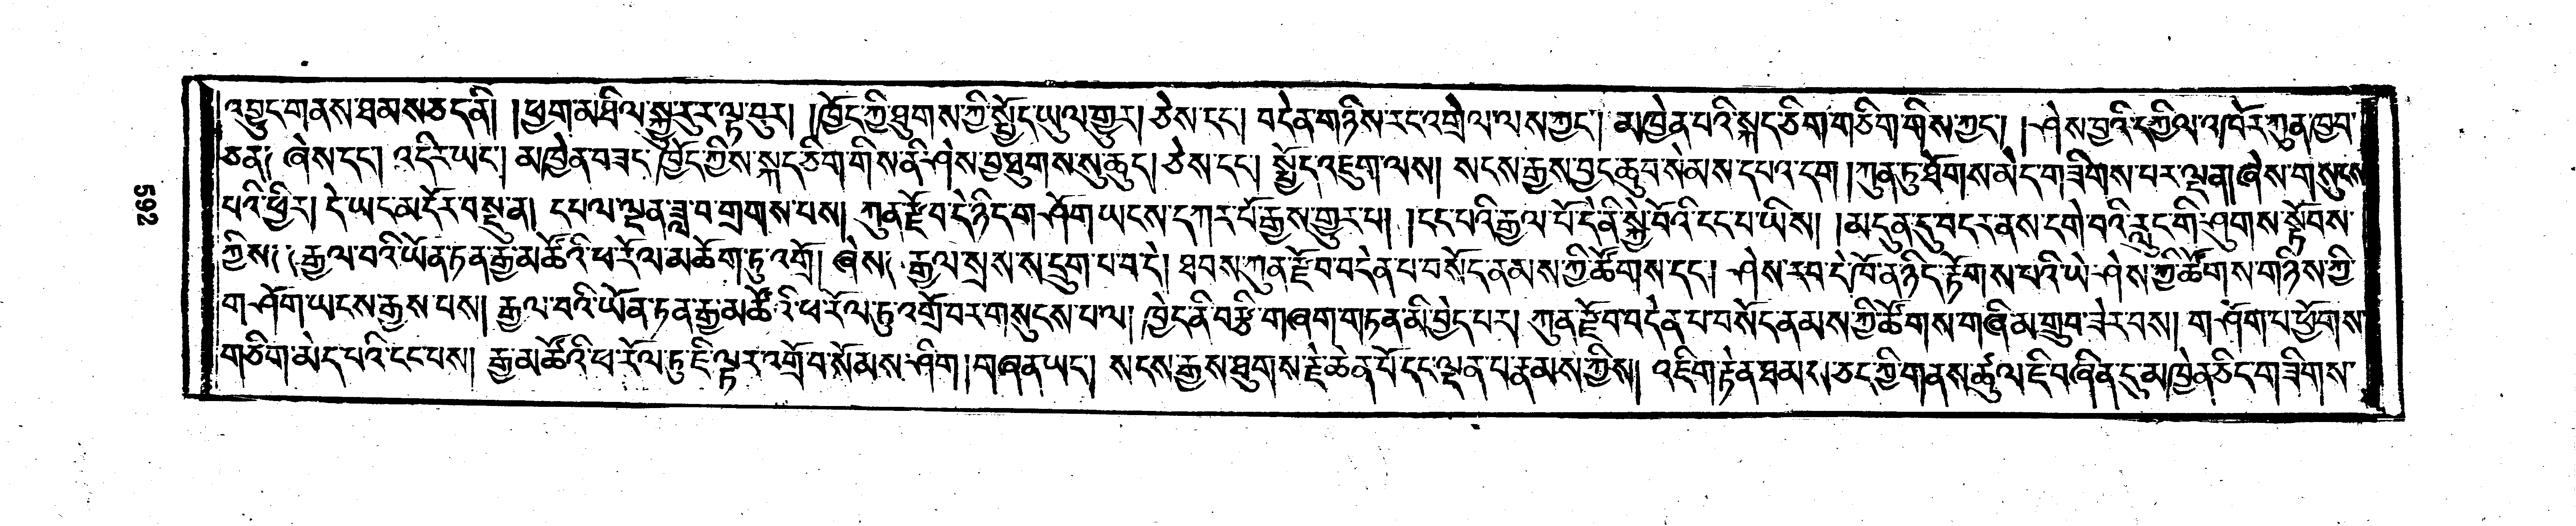འབྱུང་གནས་ཐམས་ཅད་ནི། །ཕྱག་མཐིལ་སྐྱུ་རུ་ར་ལྟ་བུར། །ཁྱོད་ཀྱི་ཐུགས་ཀྱི་སྤྱོད་ཡུལ་གྱུར། ཅེས་དང་། བདེན་གཉིས་རང་འགྲེལ་ལས་ཀྱང་། མཁྱེན་པའི་སྐད་ཅིག་གཅིག་གིས་ཀྱང་། །ཤེས་བྱའི་དཀྱིལ་འཁོར་ཀུན་ཁྱབ་
ཅན༑ ཞེས་དང་། འདིར་ཡང་། མཁྱེན་བཟང་ཁྱོད་ཀྱིས་སྐད་ཅིག་གིས་ནི་ཤེས་བྱ་ཐུགས་སུ་ཆུད། ཅེས་དང་། སྤྱོད་འཇུག་ལས། སངས་རྒྱས་བྱང་ཆུབ་སེམས་དཔའ་དག །ཀུན་ཏུ་ཐོགས་མེད་གཟིགས་པར་ལྡན། ཞེས་གསུངས་
པའི་ཕྱིར། དེ་ཡང་མདོར་བསྡུ་ན། དཔལ་ལྡན་ཟླ་བ་གྲགས་པས། ཀུན་རྫོབ་དེ་ཉིད་གཤོག་ཡངས་དཀར་པོ་རྒྱས་གྱུར་པ། །ངང་པའི་རྒྱལ་པོ་དེ་ནི་སྐྱེ་བོའི་ངང་པ་ཡིས། །མདུན་དུ་བདར་ནས་དགེ་བའི་རླུང་གི་ཤུགས་སྟོབས་
ཀྱིས༑ ༑རྒྱལ་བའི་ཡོན་ཏན་རྒྱ་མཚོའི་ཕ་རོལ་མཆོག་ཏུ་འགྲོ། ཞེས། རྒྱལ་སྲས་ས་དྲུག་པ་བ་དེ། ཐབས་ཀུན་རྫོབ་བདེན་པ་བསོད་ནམས་ཀྱི་ཚོགས་དང་། ཤེས་རབ་དེ་ཁོ་ན་ཉིད་རྟོགས་པའི་ཡེ་ཤེས་ཀྱི་ཚོགས་གཉིས་ཀྱི་
གཤོག་ཡངས་རྒྱས་པས། རྒྱལ་བའི་ཡོན་ཏན་རྒྱ་མཚོའི་ཕ་རོལ་ཏུ་འགྲོ་བར་གསུངས་པ་ལ། ཁྱེད་ནི་བརྩི་གཞག་གཏན་མི་བྱེད་པར། ཀུན་རྫོབ་བདེན་པ་བསོད་ནམས་ཀྱི་ཚོགས་གཞི་མ་གྲུབ་ཟེར་བས། གཤོག་པ་ཕྱོགས་
གཅིག་མེད་པའི་ངང་པས། རྒྱ་མཚོའི་ཕ་རོལ་ཏུ་ཇི་ལྟར་འགྲོ་བ་སོམས་ཤིག །གཞན་ཡང་། སངས་རྒྱས་ཐུགས་རྗེ་ཆེན་པོ་དང་ལྡན་པ་རྣམས་ཀྱིས། འཇིག་རྟེན་ཐམས་ཅད་ཀྱི་གནས་ཚུལ་ཇི་བཞིན་དུ་མཁྱེན་ཅིང་གཟིགས་